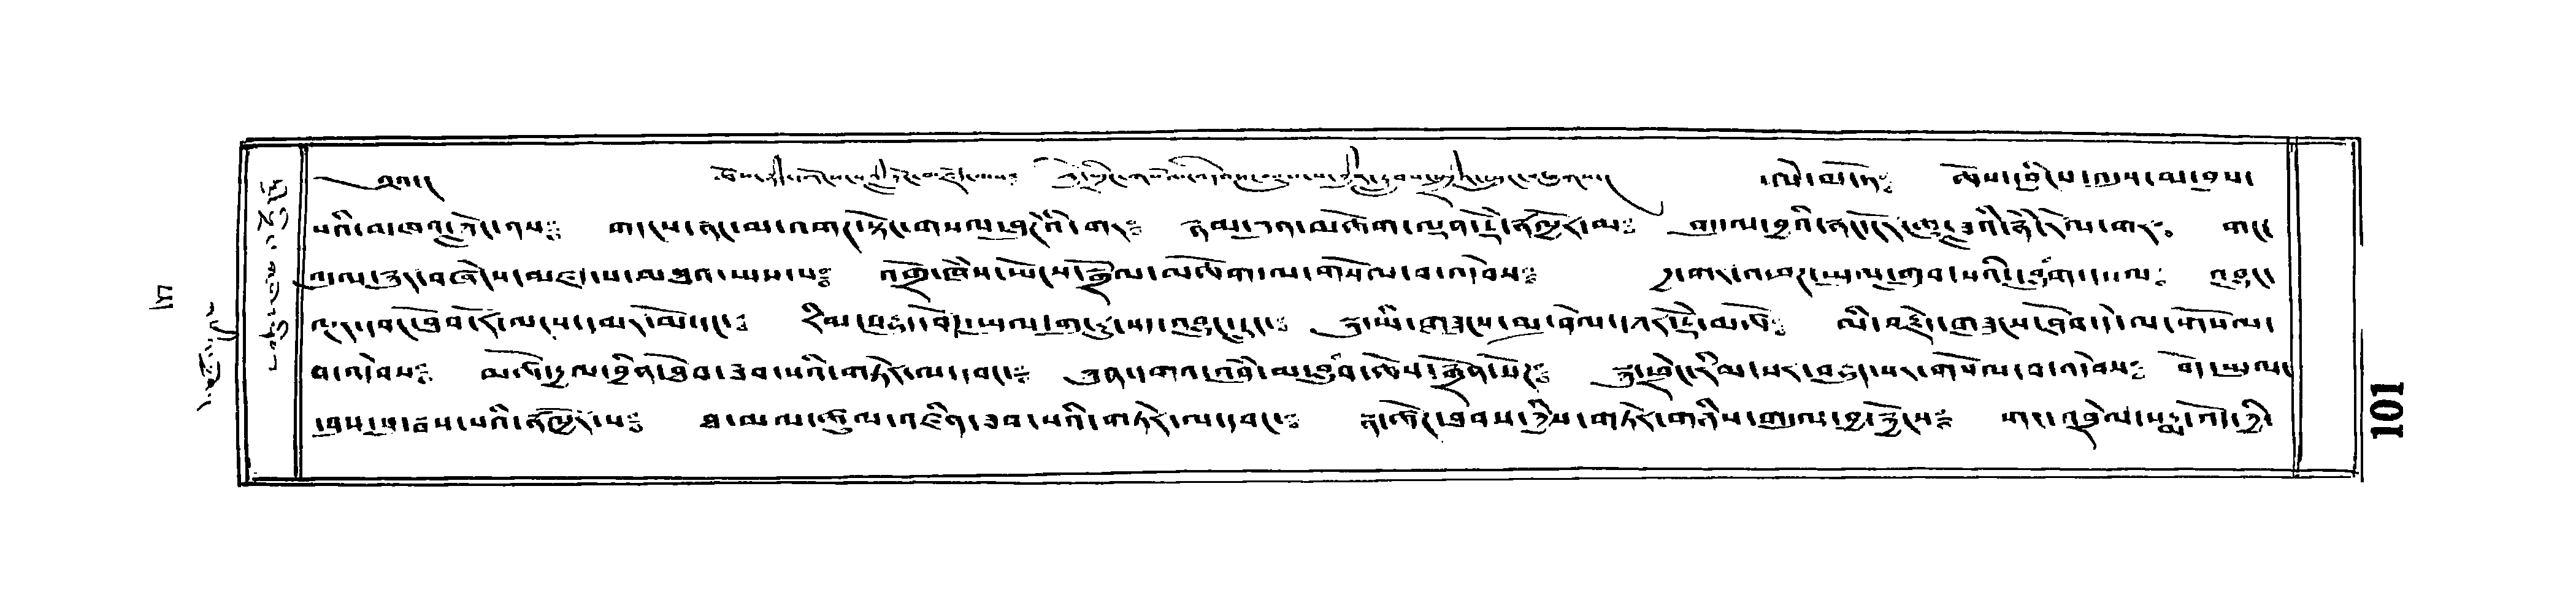ཆོས་ཉིད་དགོངས་པའི་ཀློང་མཛོད་ལས༔ སྐྱེ་ཕྲེང་གསོལ་འདེབས་བསྡུས་པ་བྱིན་རླབས་སྤྲིན་ཕུང་བཞུགས༔ ཨེ་མ་ཧོ༔ ཆོས་དབྱིངས་འདུས་མ་བྱས་
པའི་མཁའ་ཀློང་ནས༔ གདངས་སྣང་མ་འགགས་སྟོང་གསལ་ཐུགས་རྗེའི་གར༔ རྣམ་ཀུན་མཆོག་ལྡན་རྡོ་རྗེ་རྣལ་འབྱོར་མ༔ གདུལ་བྱའི་སྣང་ངོར་ཆུ་ཟླའི་རྣམ་རོལ་གར༔ གང་
འདུལ་སྐུར་བཞེངས་མཛད་པ་མཐའ་ཡས་པ༔ འགྲོ་ཁམས་ཡོངས་སྒྲོལ་མཆོག་ལ་གསོལ་བ་འདེབས༔ རྒྱ་གར་འཕགས་ཡུལ་གྲུབ་པའི་དབང་ཕྱུག་དཔལ༔ འབྱུང་
ལྔར་དབང་ཐོབ་རོ་ལངས་དམར་མོ་དང༔ རིམ་བརྒྱུད་བོད་ཡུལ་གུ་རུ་པད་འབྱུང་དྲུང༔ སྐུ་ཡི་གཟུངས་མ་ཤེལ་དཀར་རྡོ་རྗེ་མཚོ༔ མི་བརྗེད་གཟུངས་ཐོབ་དེ་ལ་གསོལ་
བ་འདེབས༔ མཚོ་རྒྱལ་བྱིན་ཐོབ་ཟབ་པའི་གཏེར་ལ་དབང༔ ཀུན་དགའ་འབུམ་མ་བྱང་ཆུབ་ཆོས་སྒྲོན་སོགས༔ སྐུ་ཕྲེང་རིམ་པར་བརྒྱུད་ལ་གསོལ་བ་འདེབས༔ བོད་ཡུལ་
དབུས་སུ་སྦས་པའི་རྣལ་འབྱོར་པ༔ ཐ་མལ་ཚུལ་འཛིན་ཟབ་པའི་གཏེར་ལ་དབང༔ སྣ་ཚོགས་ཐབས་ཀྱིས་གཏེར་གཉིས་གདུལ་བྱ་སྐྱོང༔ གང་འབྲེལ་པདྨ་འོད་ཀྱི་